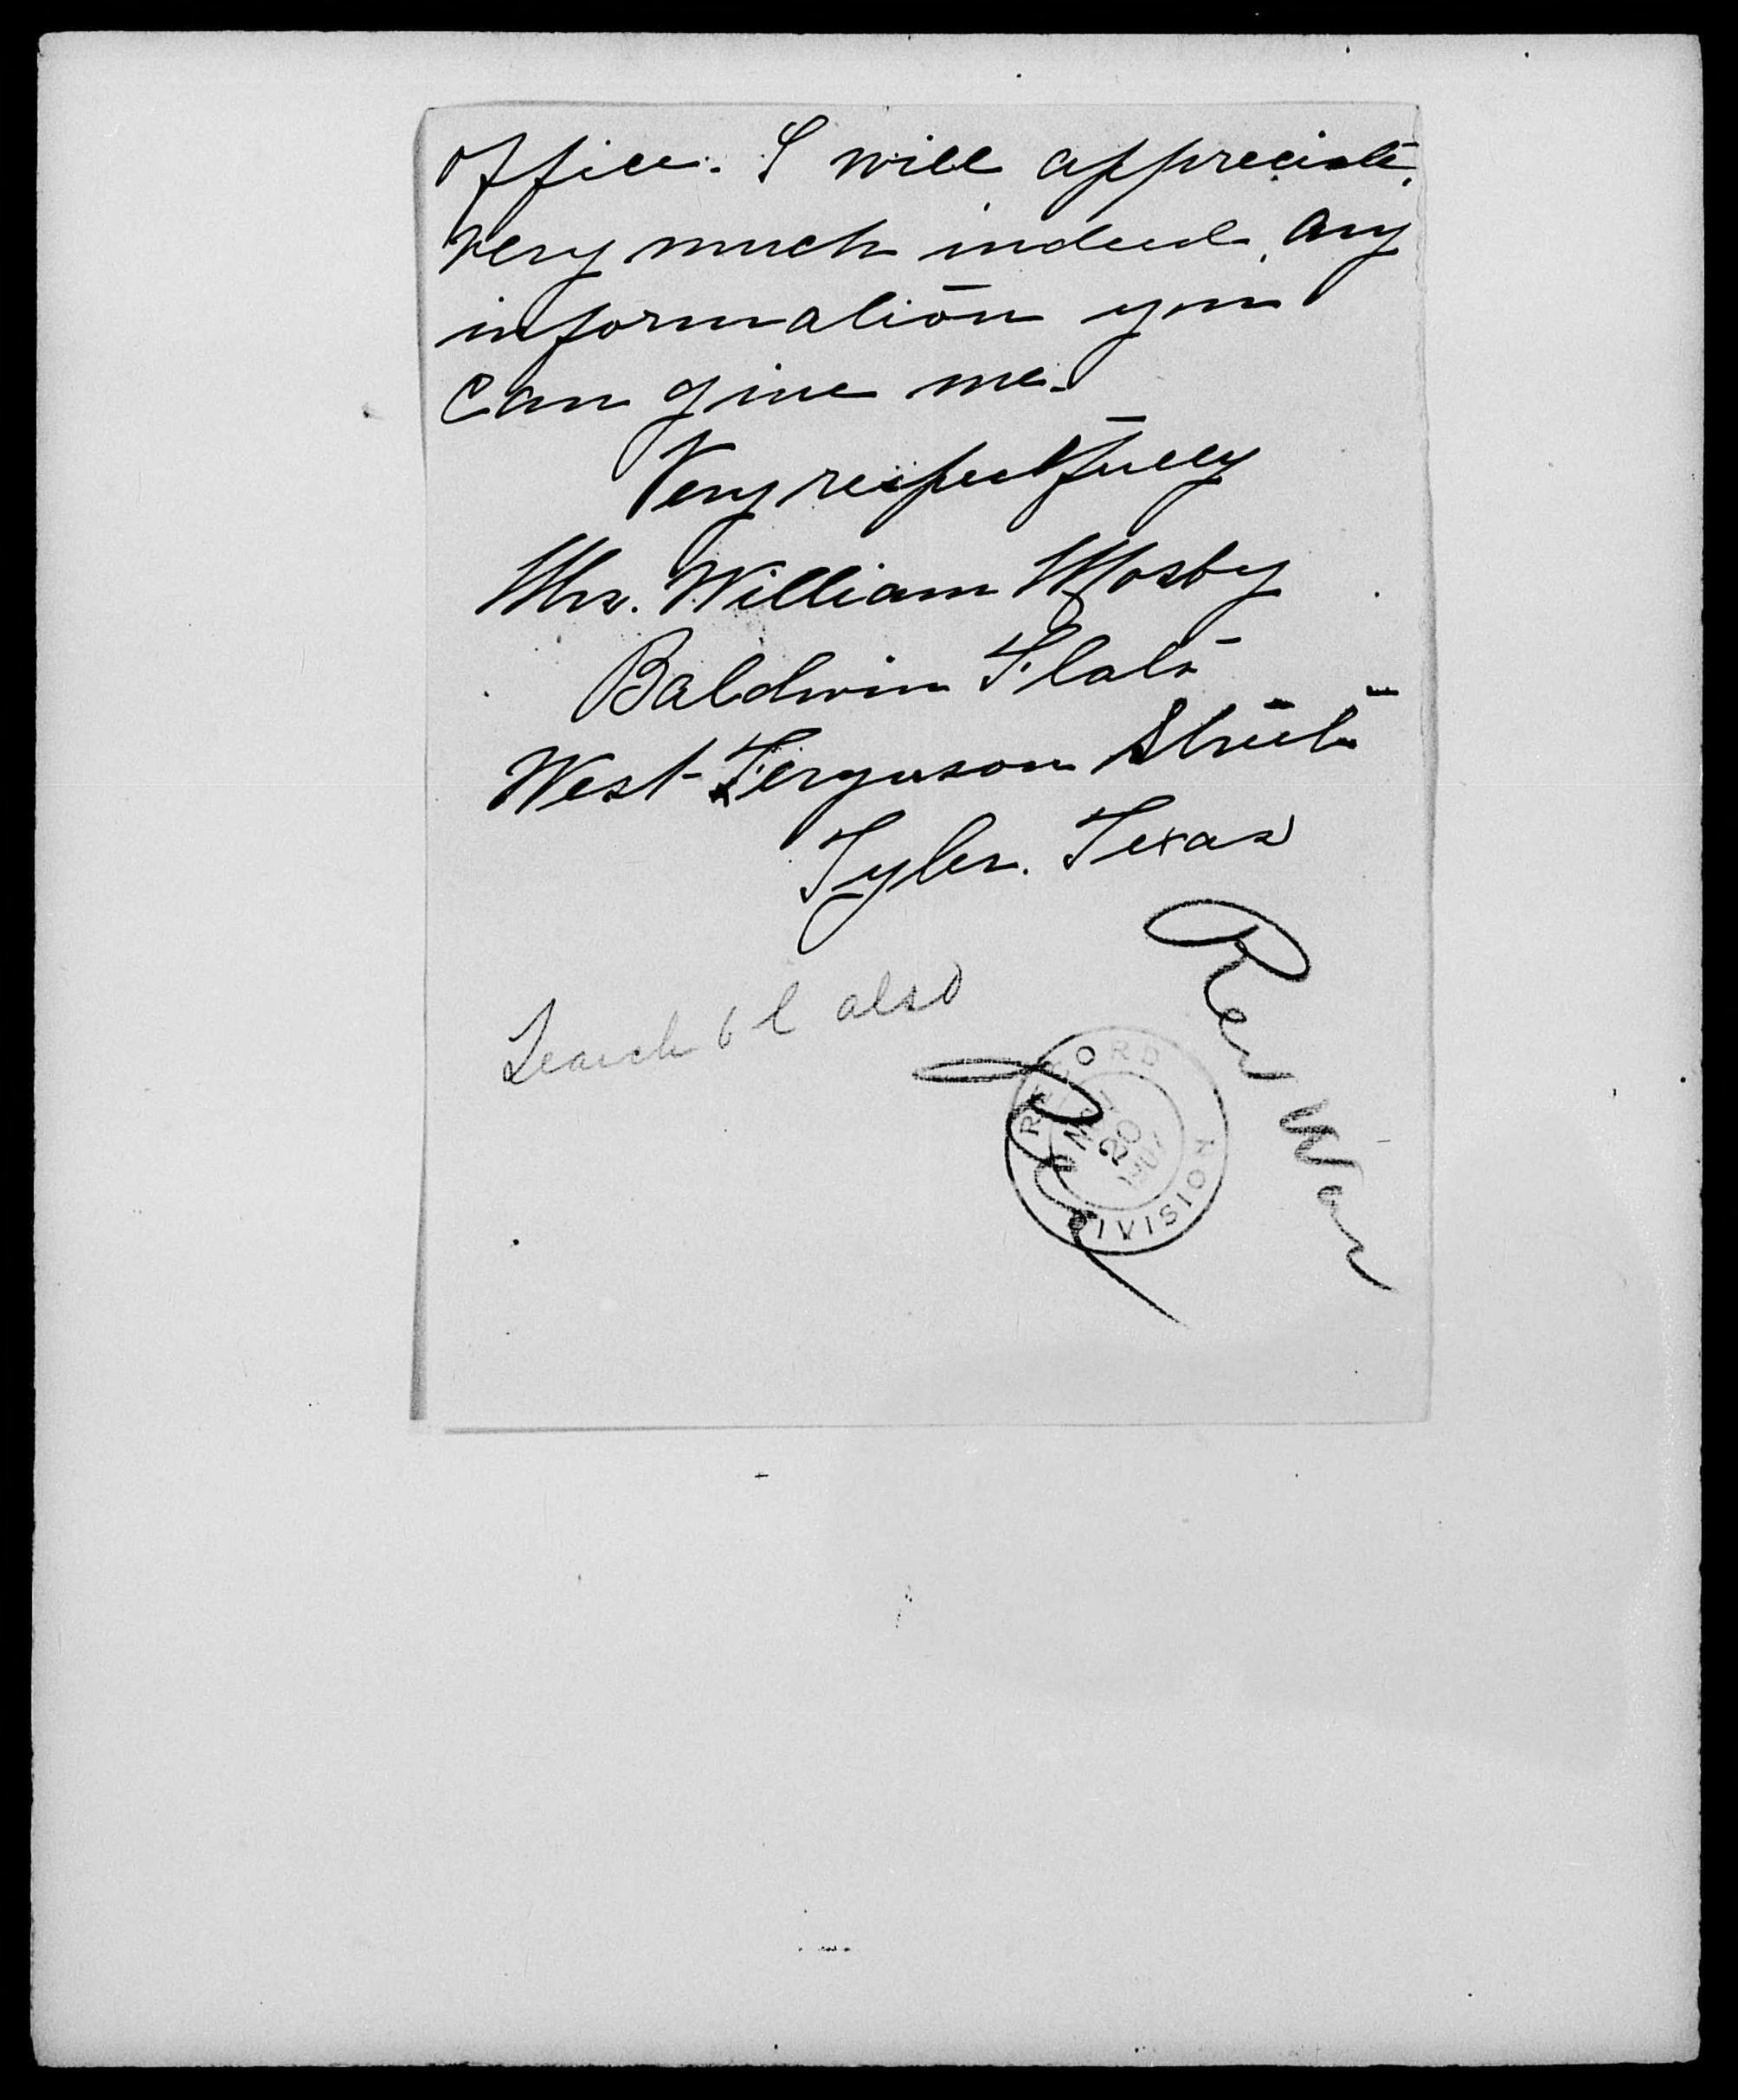office. I will appreciate very much indeed any information you can give me.
Very respectfully
Mrs. William Mosby
Baldwin Flats
West Ferguson Street
Tyler, Texas

Search cl also
Rev War
Per

[stamp]
RECORD
NOV
20
1907
DIVISION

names: William Mosby, Baldwin Flats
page: 41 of 47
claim: survivor's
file: S. 3,322, William Edwards, Va.